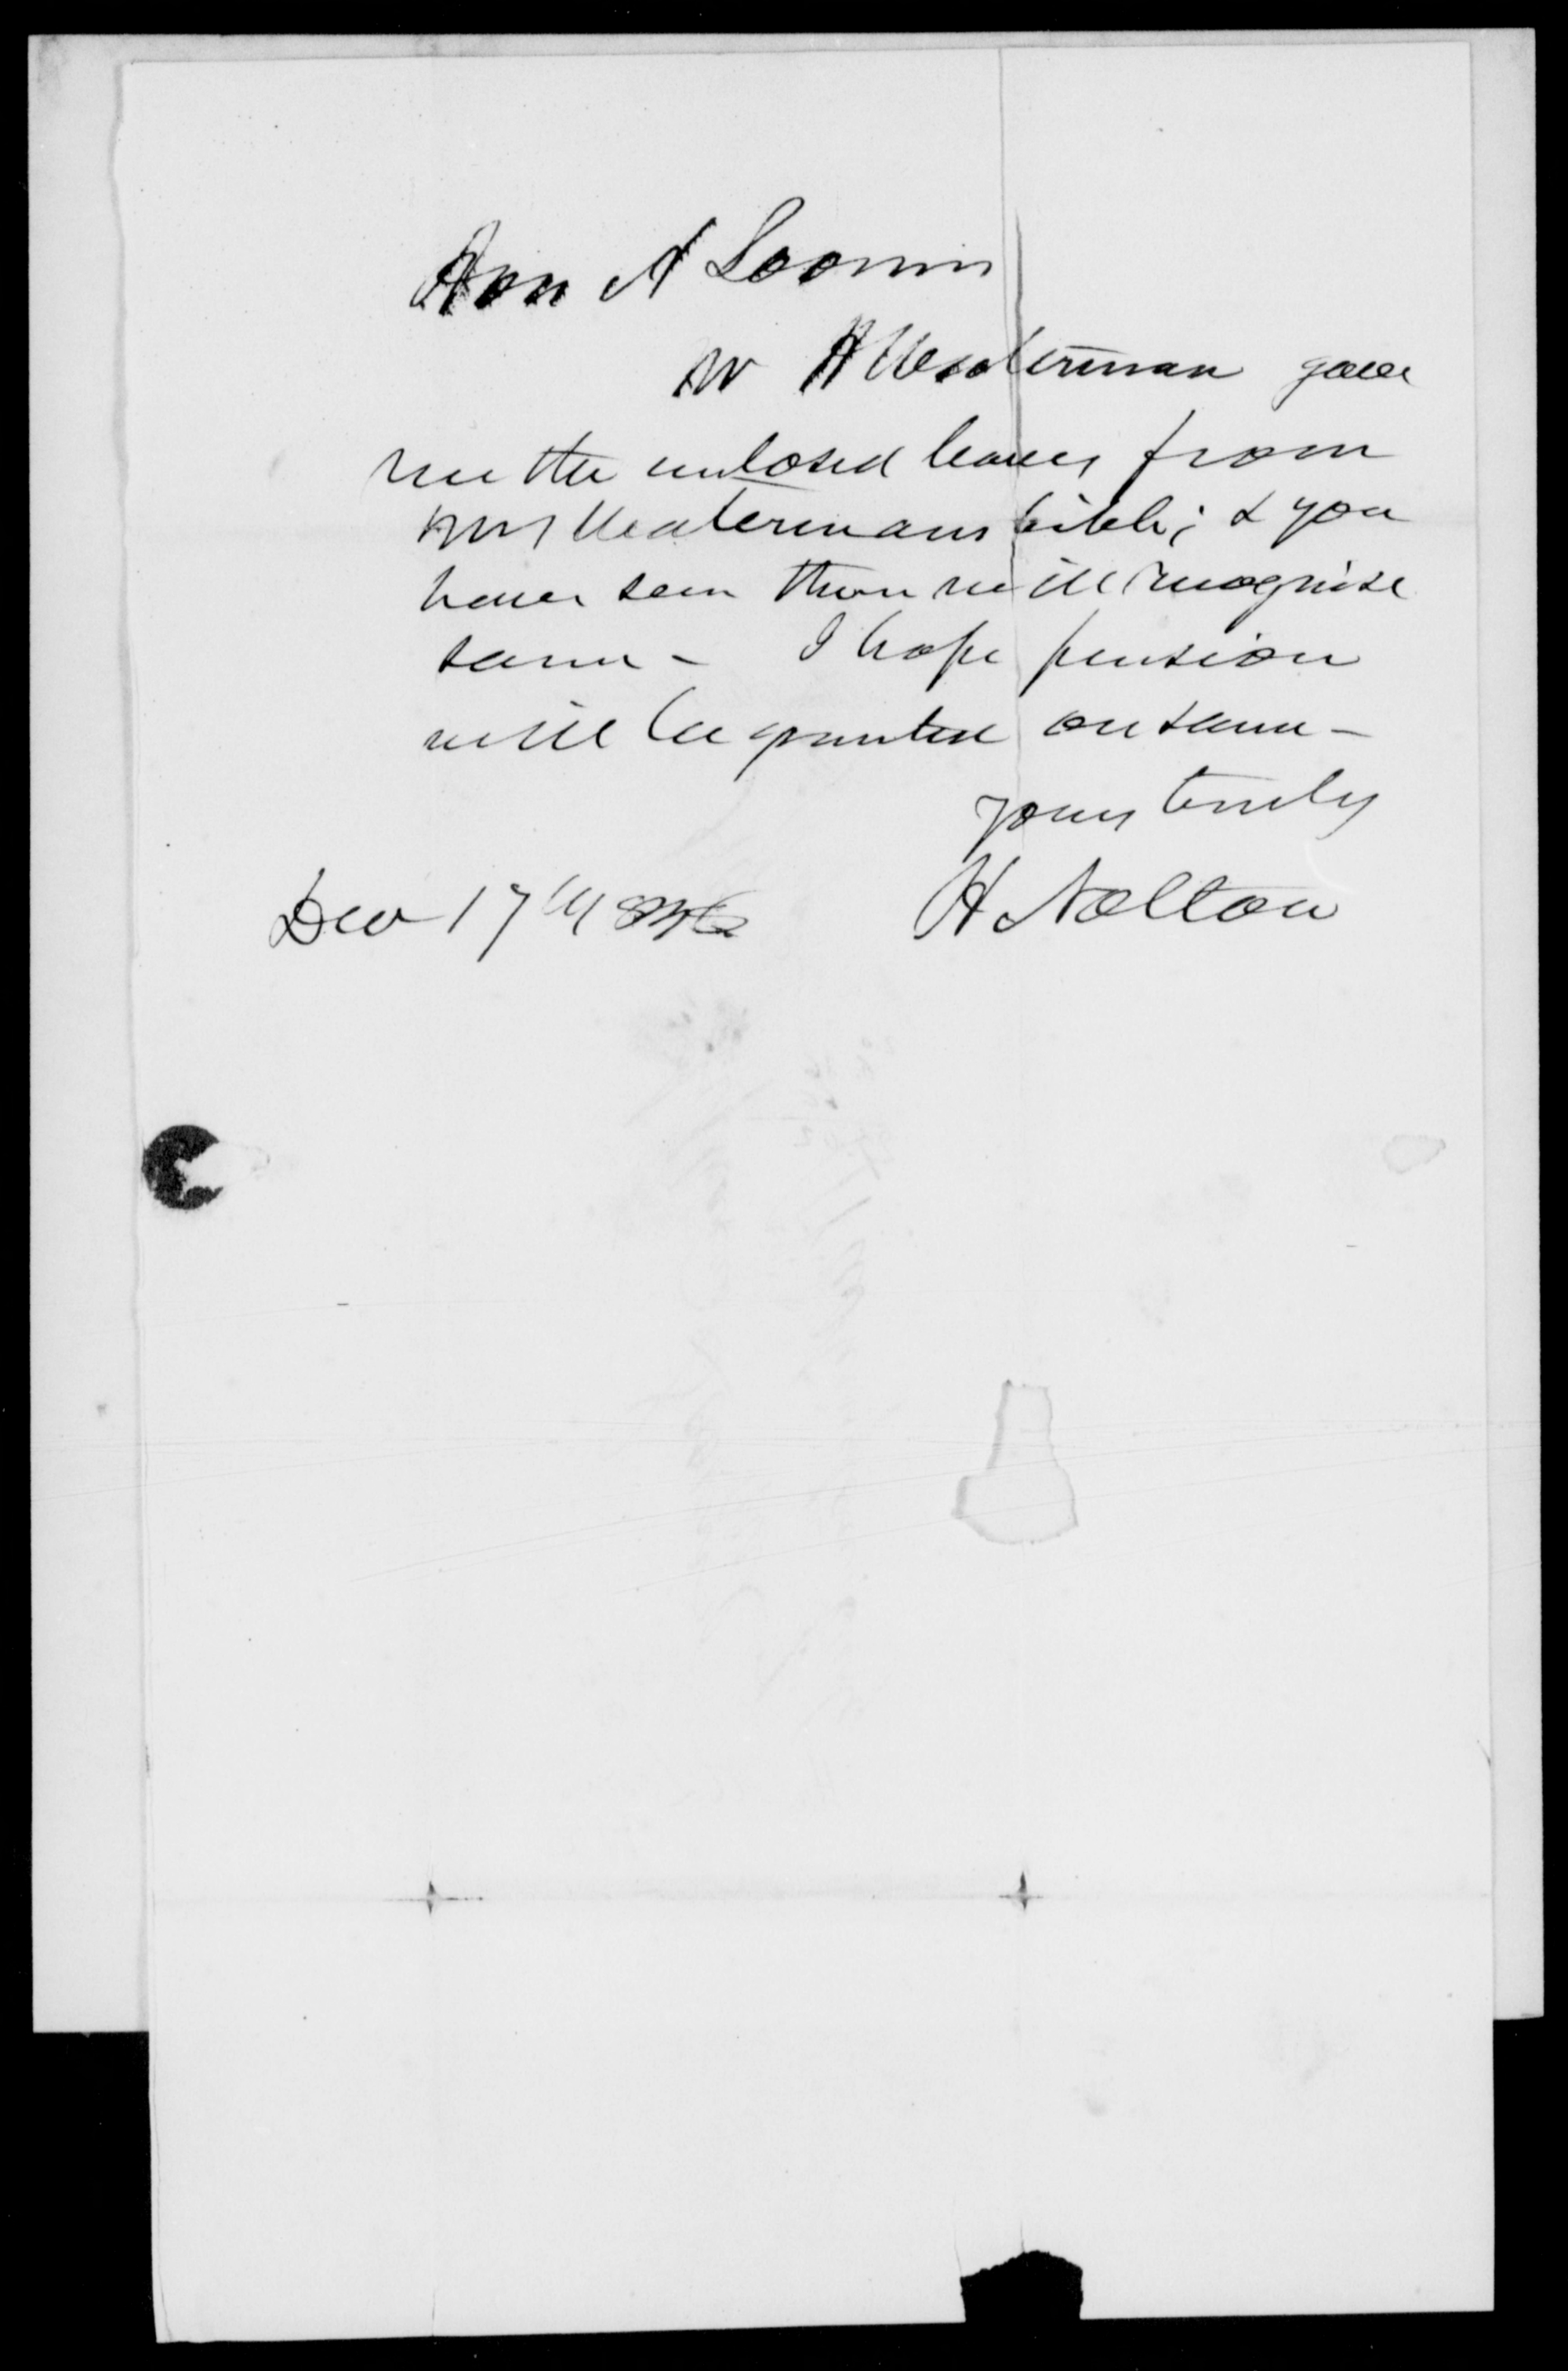Ann A Loomis
An H Waterman gave me the enclosed leaves from Mr. Waterman's bible; & you have seen them will recognize same. I hope pension will be granted on same.

Yours Truly
H Nolton
Dec 17, 1836[8]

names: H Nolton, A Loomis, H Waterman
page: 35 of 50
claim: widow's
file: W. 15814, Glading Waterman, Conn. Conn. Sea Service Continental